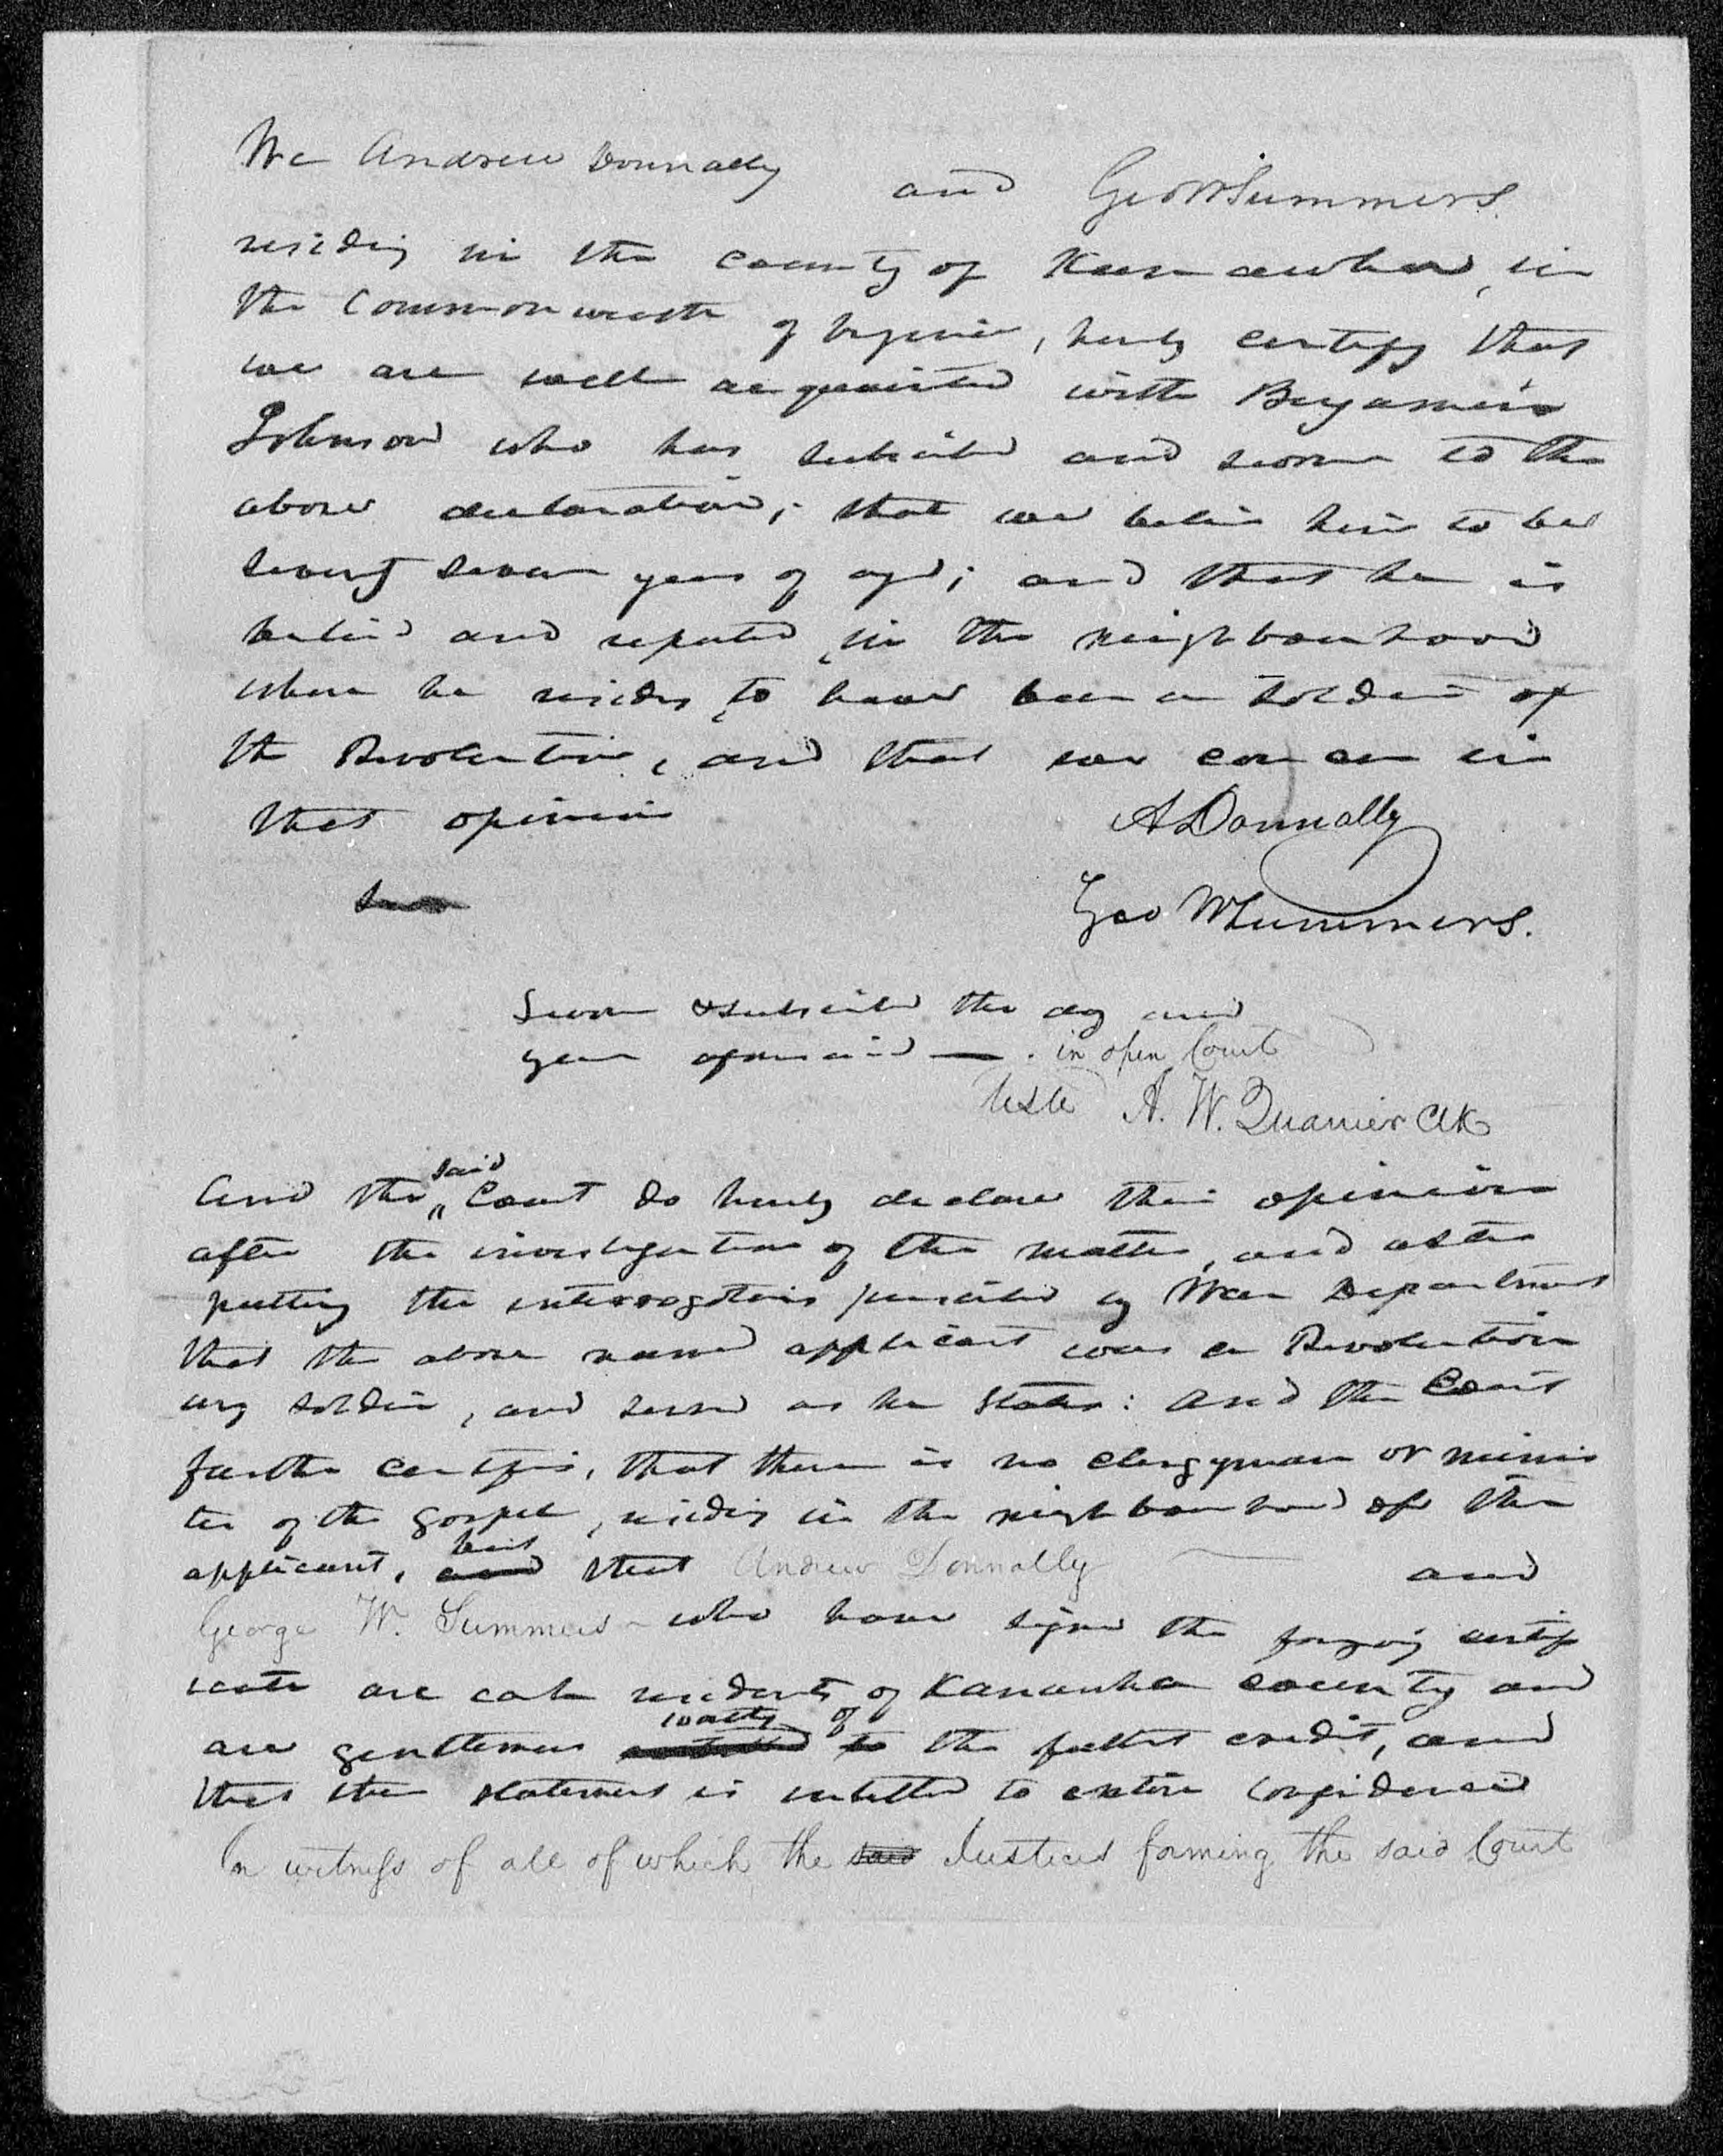We Andrew Connally and Geo. W. Summers residing in the County of Kanawha in the Commonwealth of Virginia, hereby certify that we are well acquainted with Benjamin Johnson who has subscribed and sworn to the above declaration; that we believe him to be seventy seven years of age; and that he is
believed and reputed in the neighborhood where he resides to have been a soldier of the Revolution, and that we concur in that opinion.
A Donnally
Geo W Summers
Sworn & subscribed the day and year aforesaid
in open Court
Teste A.W. Quarrier Clk
and the said Court do hereby declare their opinion after the investigation of the matter and after putting the interrogatories prescribed by War Department that the above named applicant was a Revolutionary soldier and served as he states: And the Court further certifies, that there is no clergyman or minister of the gospel, residing in the neighborhood of the applicant, and that Andrew Donnally George W. Summers who have signed the forgoing certificates are each residents of Kanawha County and are gentlemen [illegible] of the fullest credit, and that their statement is entitled to entire confidence.
In witness of all of which the Justices forming the said Court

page: 11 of 17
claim: rejected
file: R. 5674, for Benjamin Johnson, Virginia